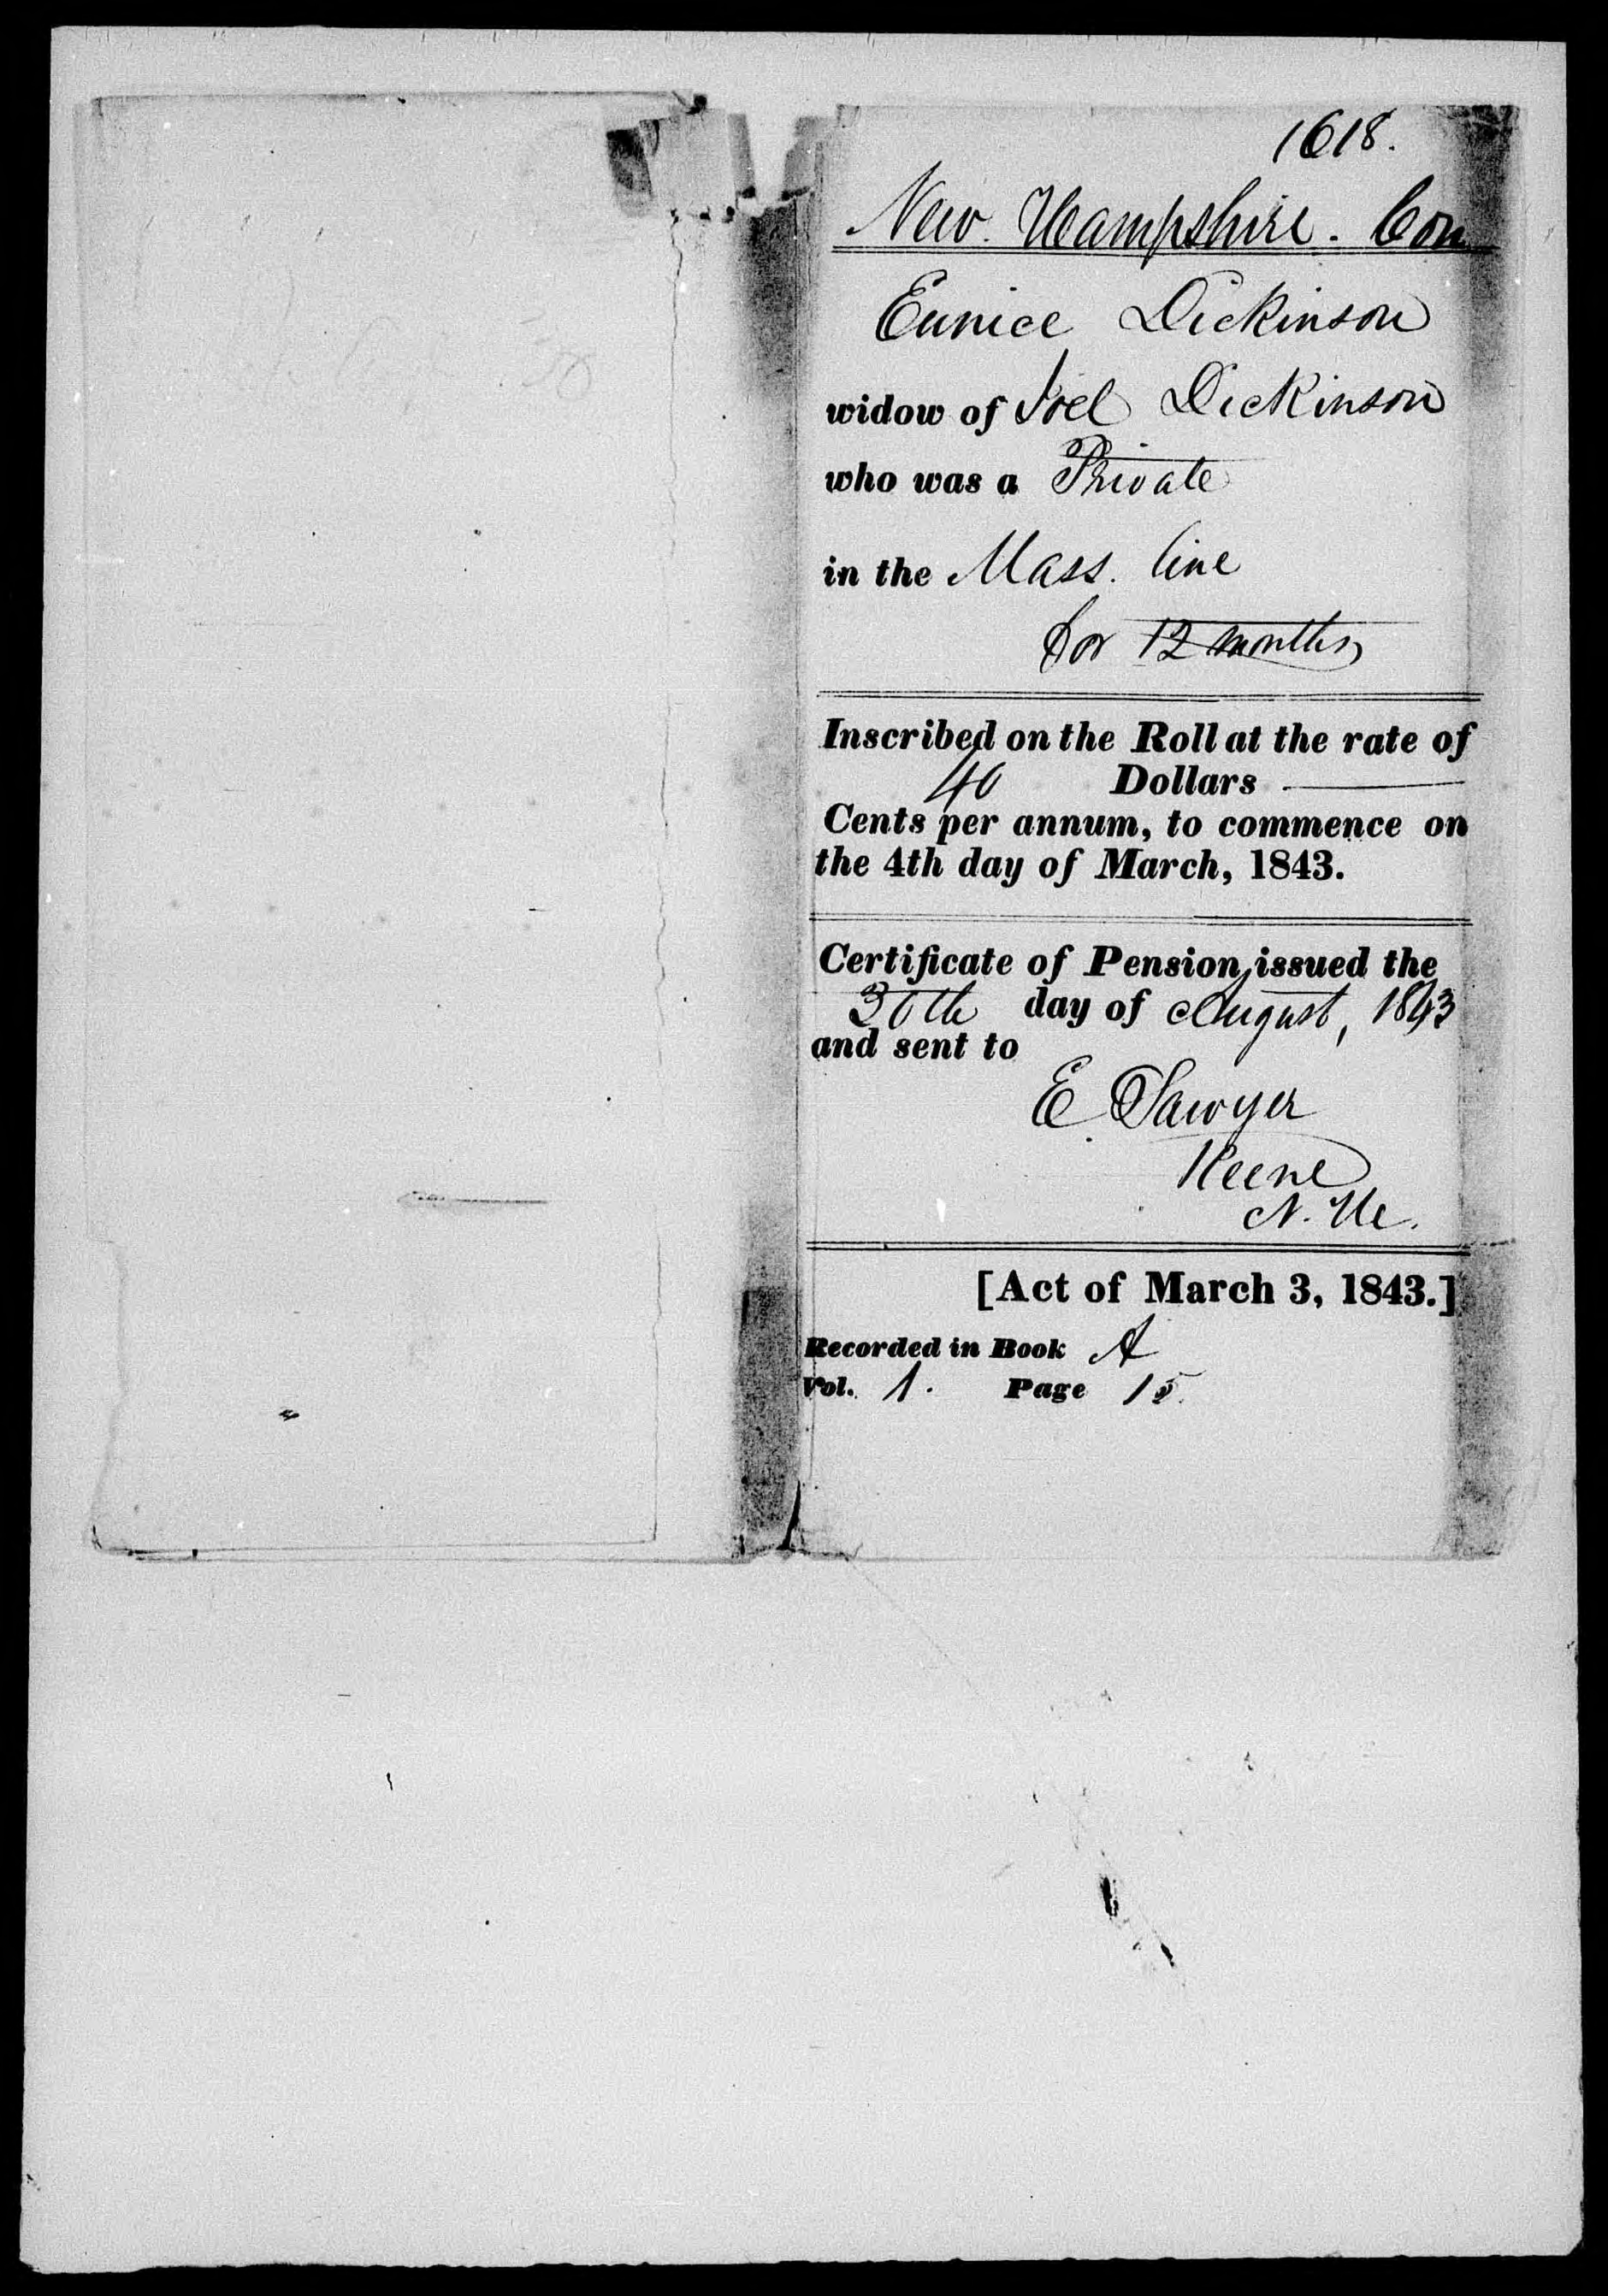1618
New Hampshire Con

Eunice Dickinson
widow of Joel Dickinson
who was a Private 
in the Mass. line for 12 months

Inscribed on the Roll at the rate of 40 Dollars-
Cents per annum, to commence on the 4th day of March, 1843.
Certificate of Pension issued the 30th day of August, 1843 and sent to E Sawyer Keene N.W.
Act of March 3, 1843

Recorded in Book A
Vol. A  Page 15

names: Joel Dickinson, E Sawyer, Eunice Dickinson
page: 2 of 31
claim: widow's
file: W. 22946, Joel Dickinson, Mass.